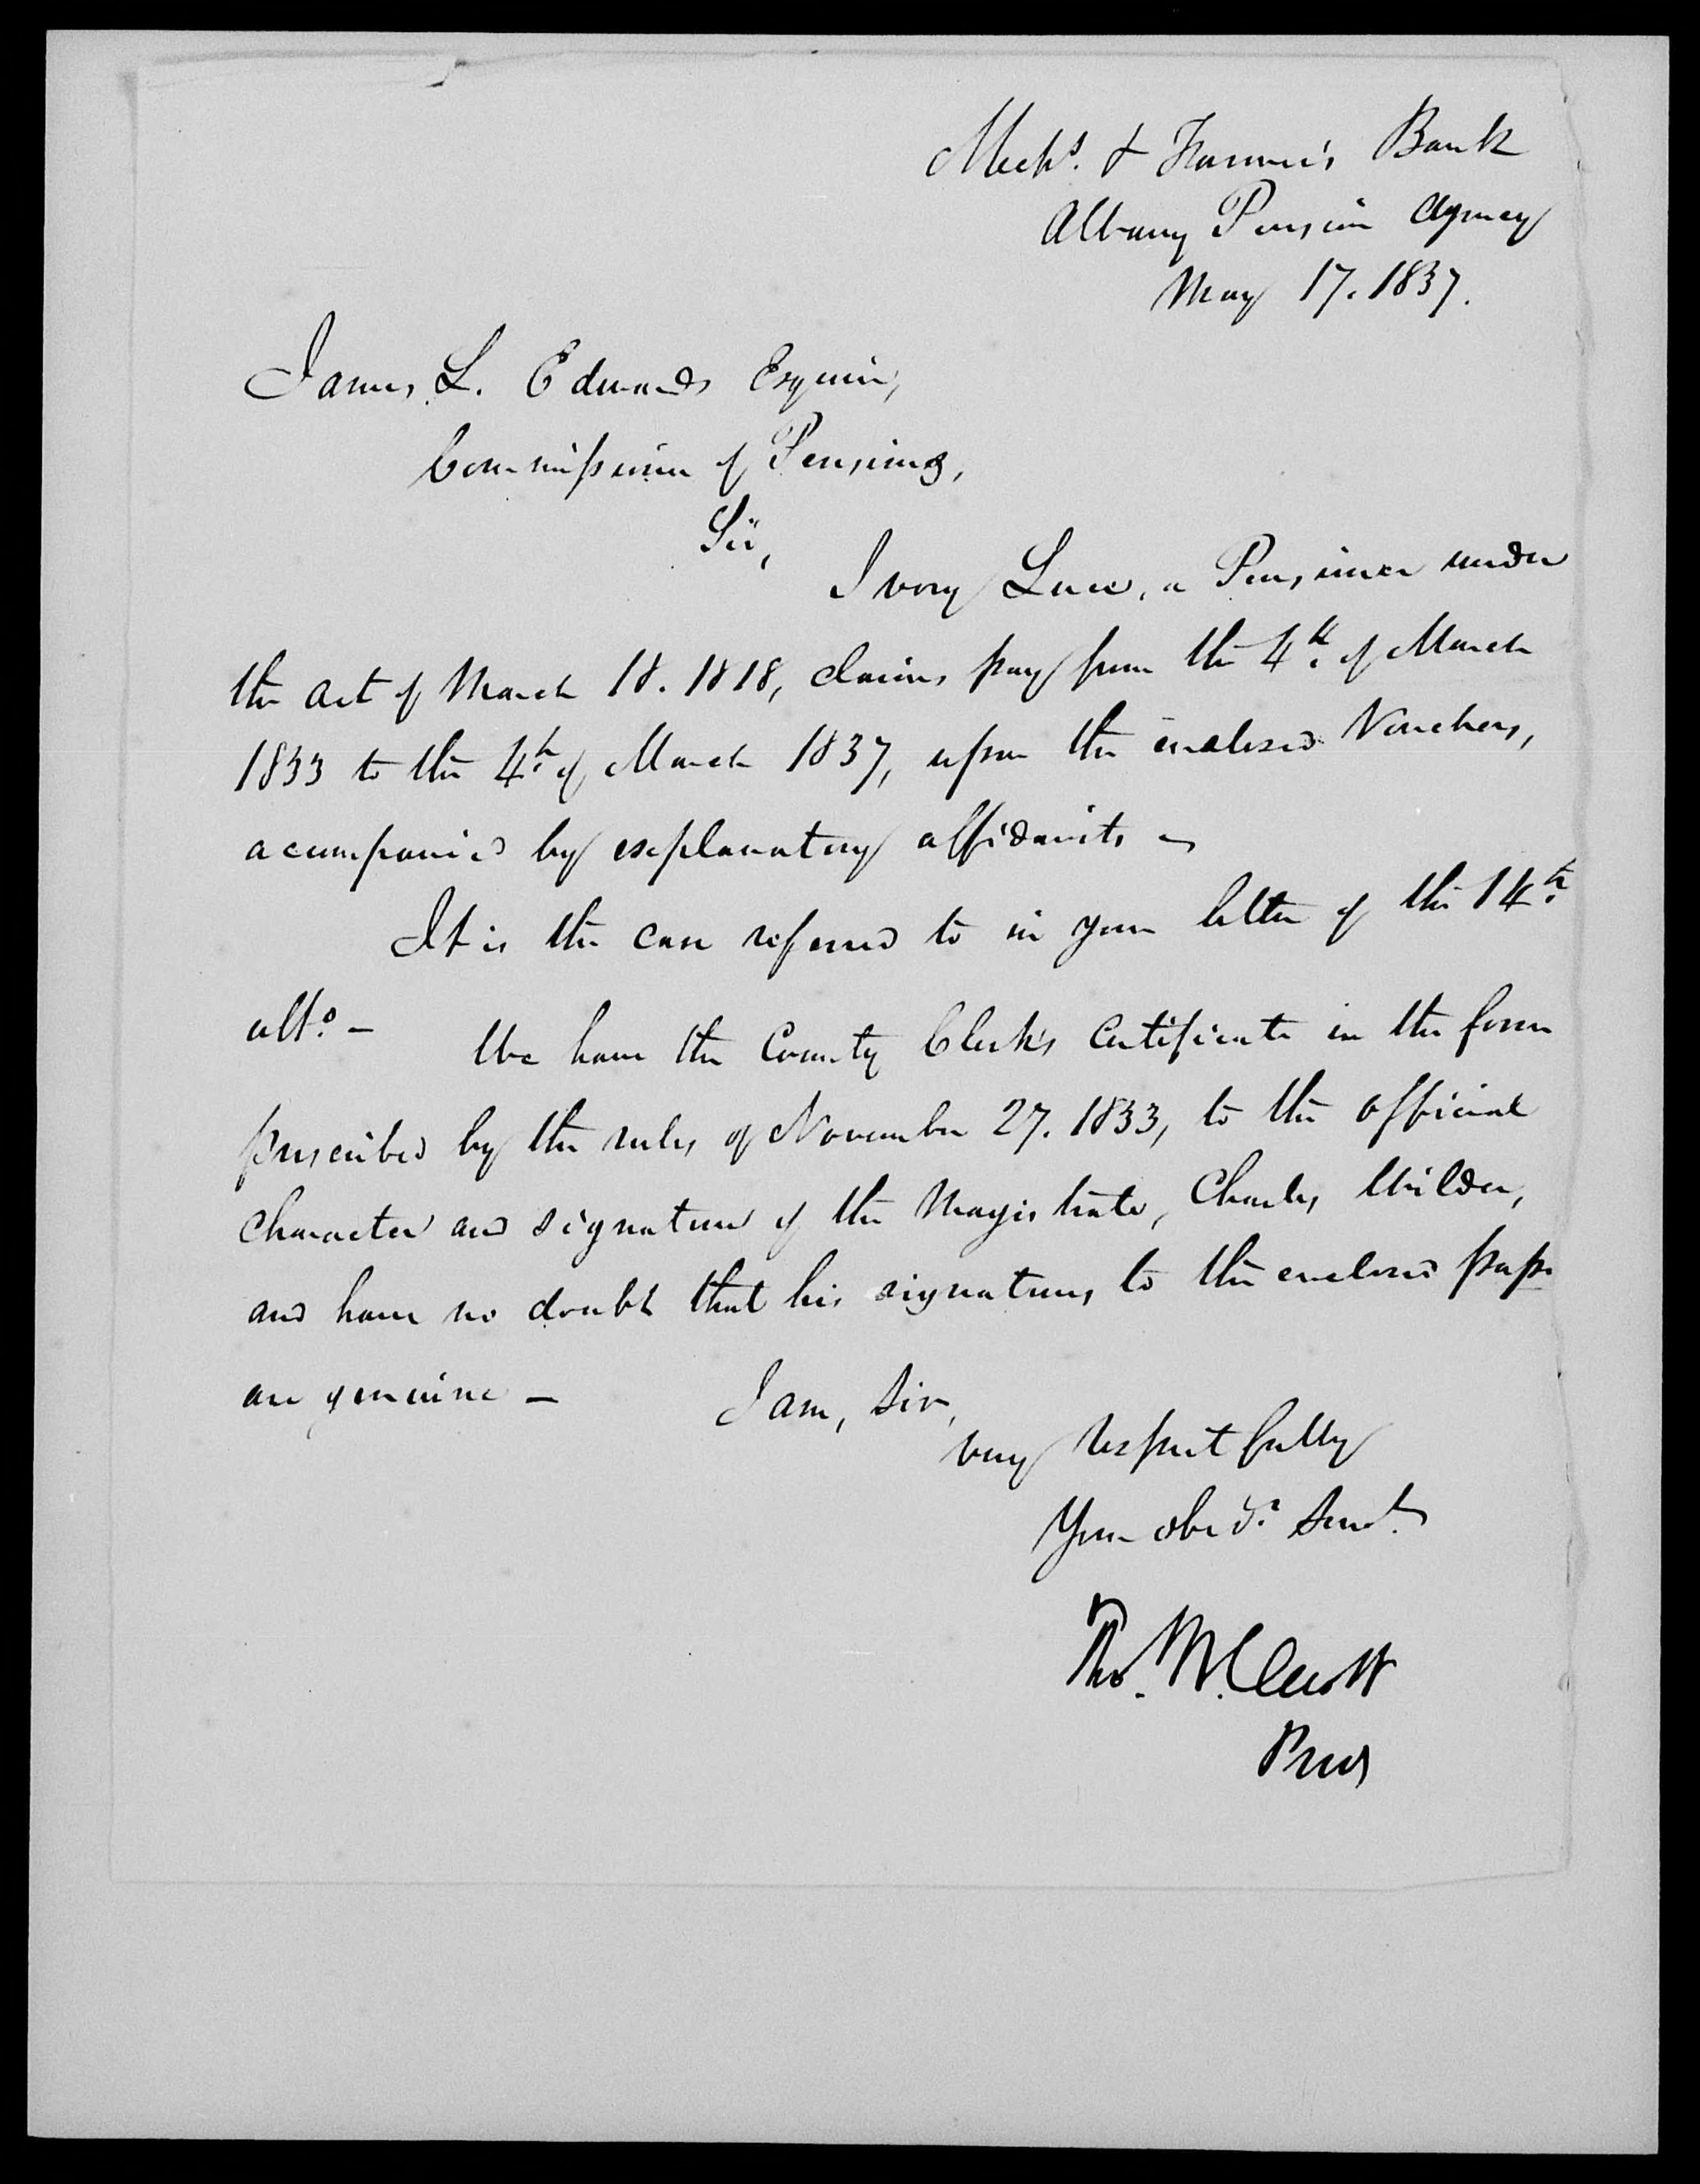Mech's. & Farmer's Bank
Albany Pension Agency
May 17, 1837.

James L. Edwards Esquire
Commissioner of Pensions

Sir,

Ivory Luce, A Pensioner under the Act of March 18. 1818, claims pay from the 4th of March 1833 to the 4th of March 1837, upon the enclosed Vouchers, accompanied by explanatory affidavits.

It is the case referred to in your letter of this 14th ult'o. -

We have the County Clerk's Certificate in the form prescribed by the rules of November 27. 1833, to the official character and signature of the Magistrate, Charles Wilder, and have no doubt that his signatures to the enclosed papers are genuine.

I am, Sir
Very Respectfully
Your Obed't. Servt.

[signed]
Tho. W. Olcott
Pres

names: Ivory Luce; Charles Wilder; James L Edwards; Tho W Olcott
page: 62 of 70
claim: rejected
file: R. 6510, for Israel Luce, New York